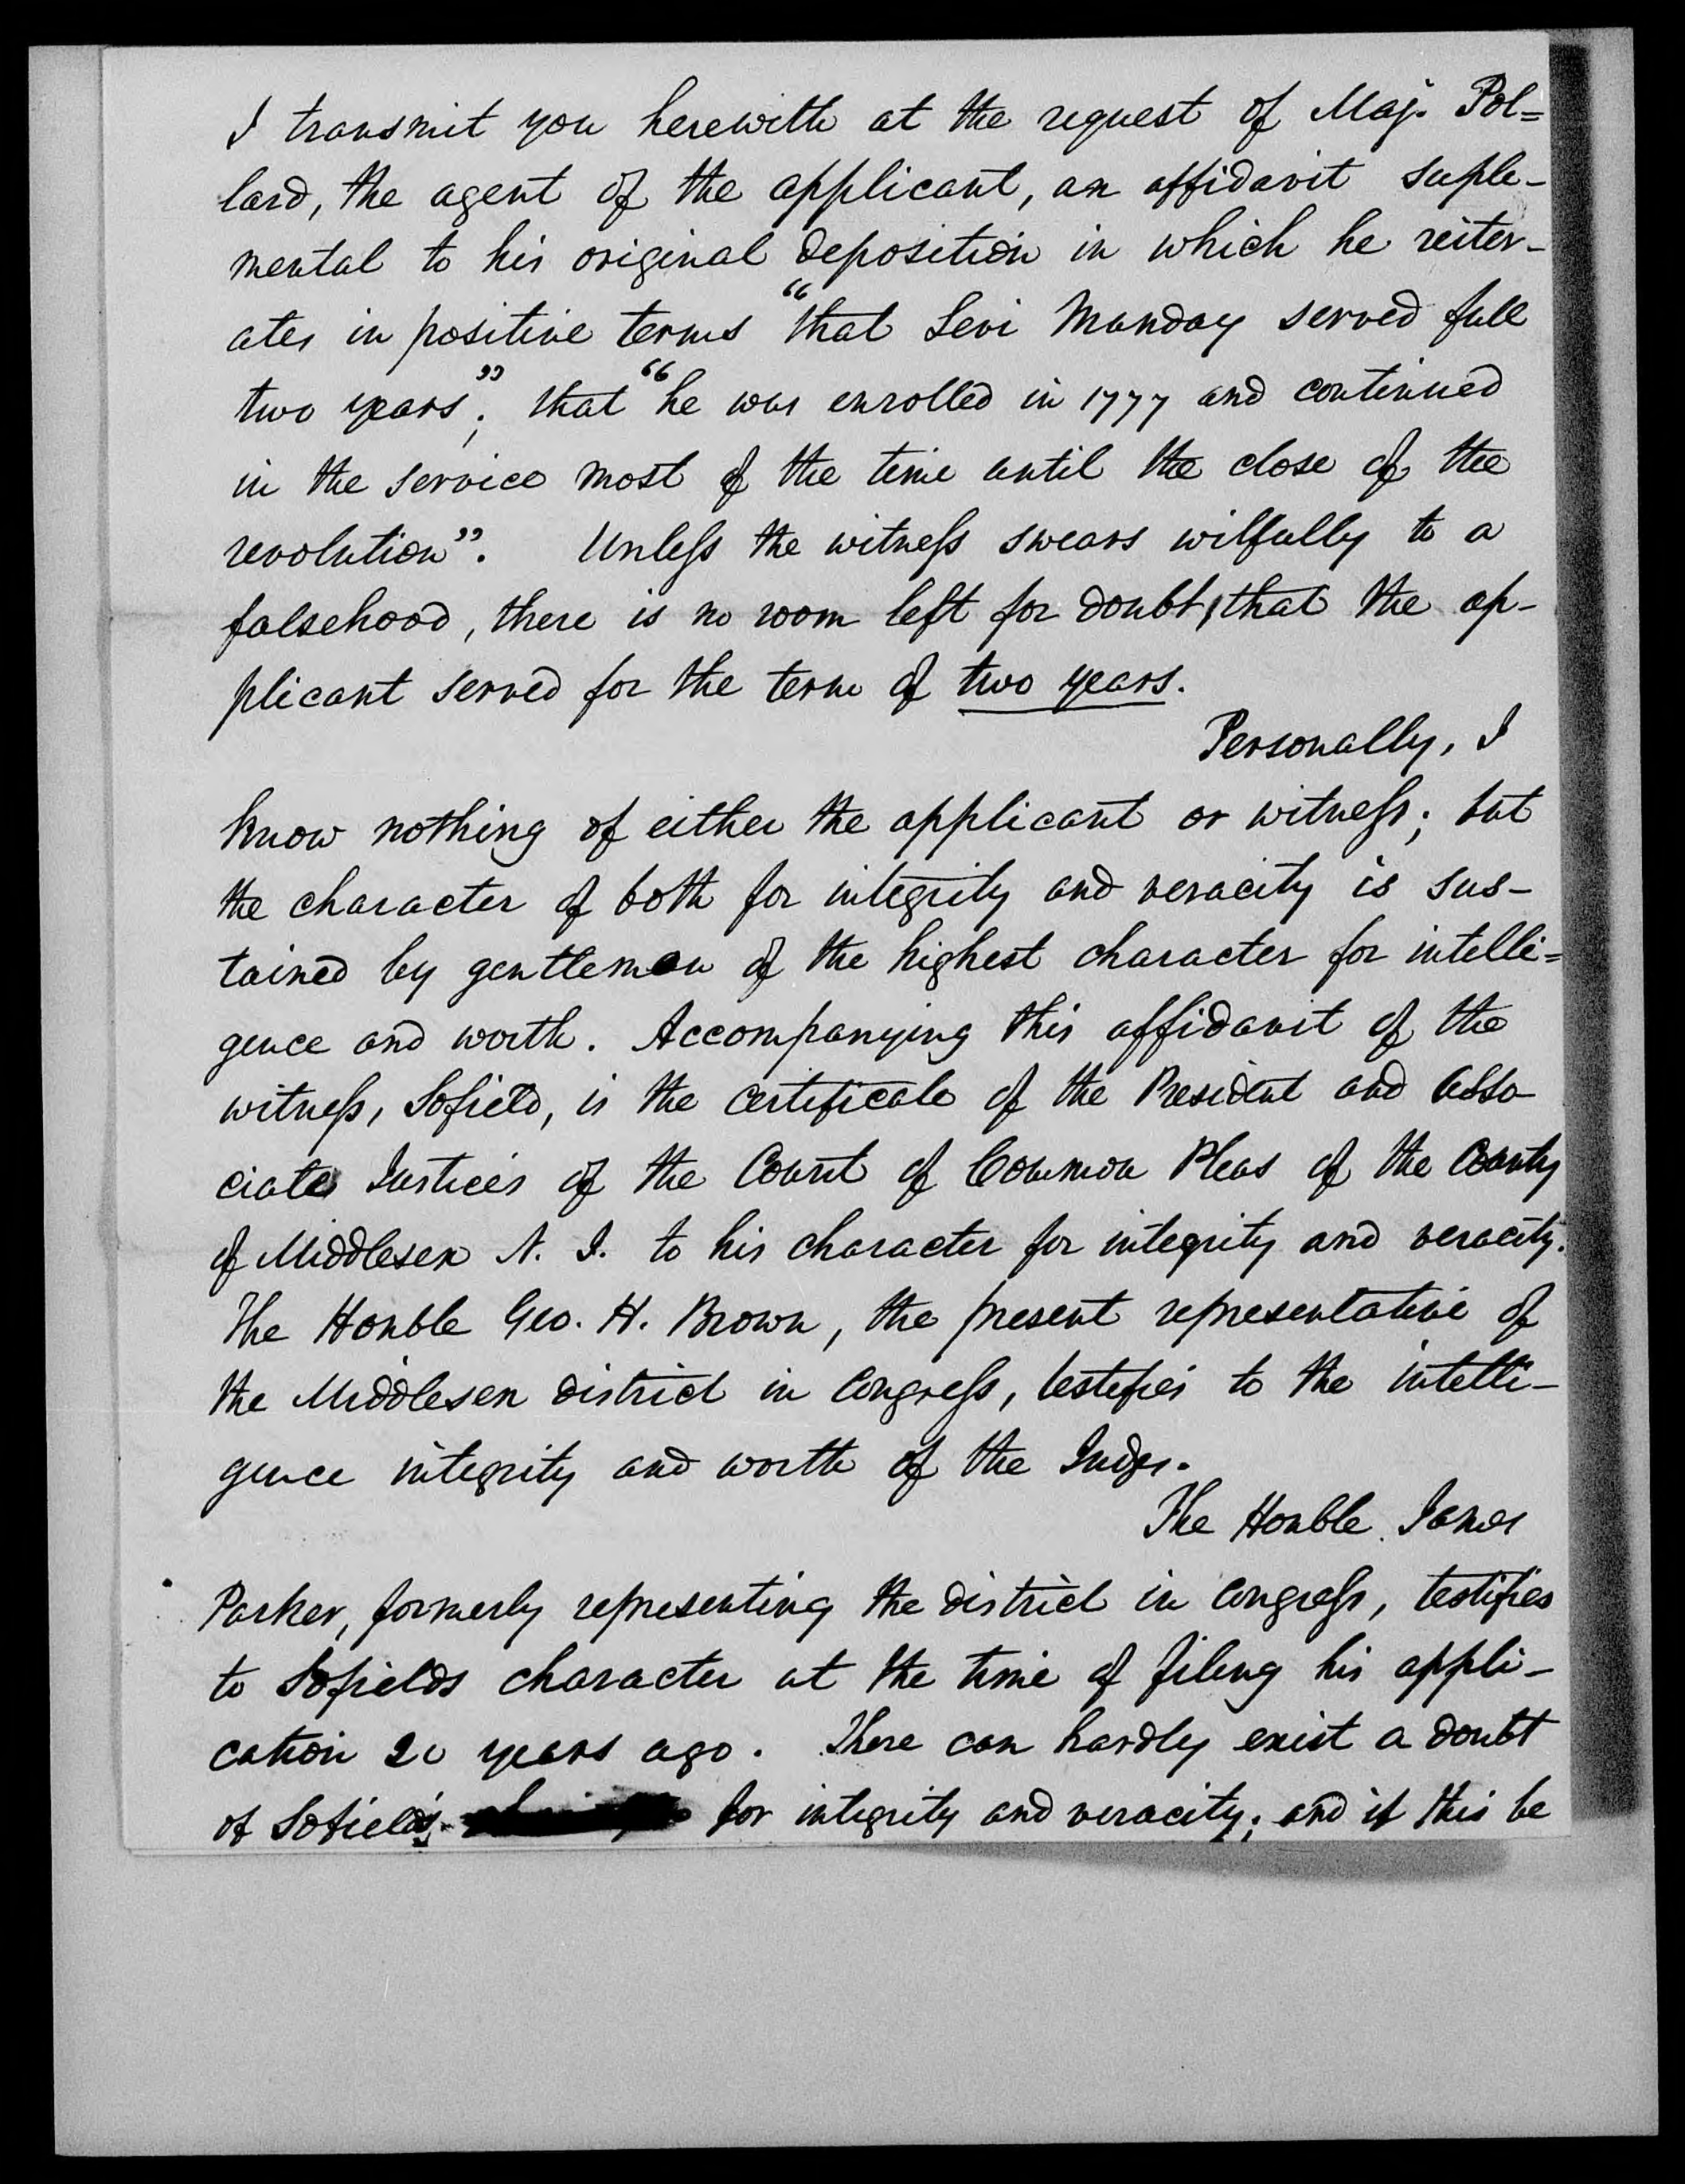...I transmit you herewith at the request of Maj. Pollard, the agent of the applicant, an affidavit supplemental to his original deposition in which he reiterates in positive terms, "that Levi Munday served full two years;" that, "he was enrolled in 1777 and continued in the service most of the time until the close of the revolution." Unless the witness swears willfully to a falsehood, there is no room left for doubt that the applicant served for the term of two years.

Personally, I know nothing of either the applicant or witness; but the character of both for integrity and veracity is sustained by gentlemen of the highest character for intelligence and worth. Accompanying this affidavit of the witness, Sofield, in the certificate of the President and Associate Justices of the Court of Common Pleas of the County of Middlesex, N.J., to his character for integrity and veracity. The Honorable Geo. H. Brown, the present representative of the Middlesex district in Congress, testifies to the intelligence, integrity and worth of the Judge.

The Honorable James Parker, formerly representing the district in Congress, testifies to Sofield's character at the time of filing his application 20 years ago. There can hardly exist a doubt of Sofield [crossed out: (illegible)] for integrity and veracity; and if this be...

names: [BLANK] Manday; James Parker; [BLANK] Pollard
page: 62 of 95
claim: survivor's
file: S 2889, for Levi Mundy, New Jersey